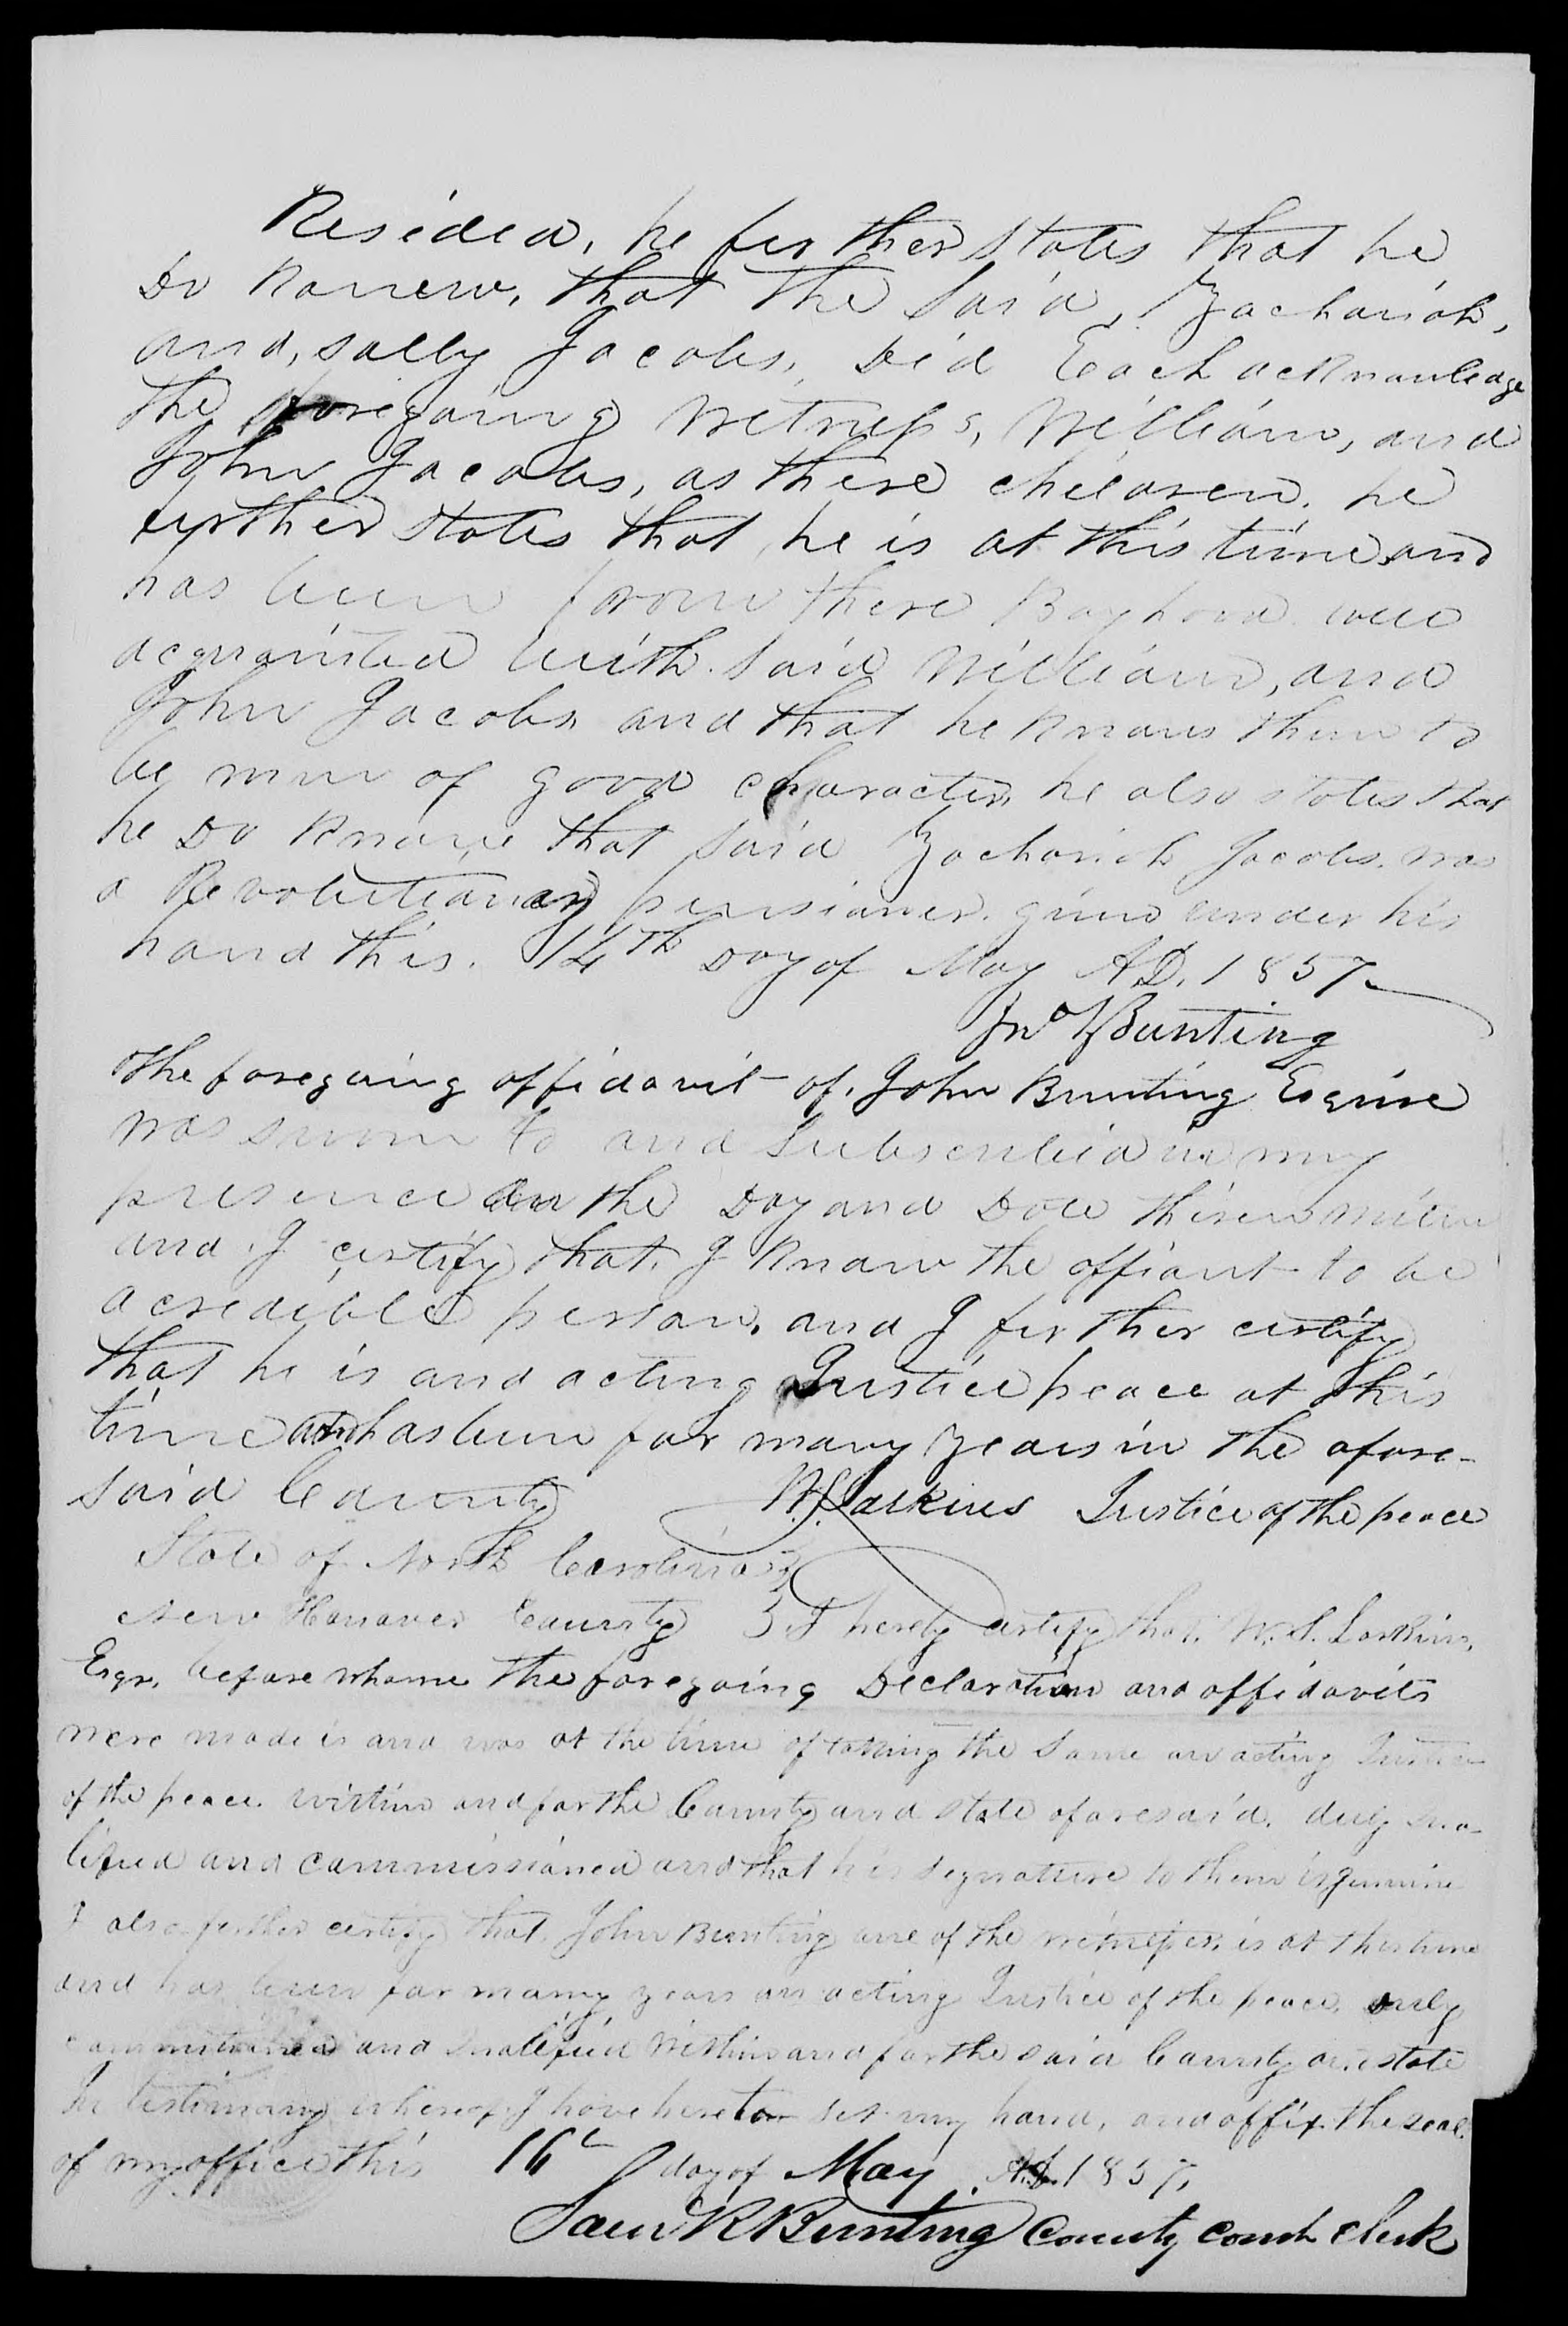Resided, he further states that he to knew, that the Said Zachariah and Sally Jacobs, Did Each acknowledge the foregoing witnesses, William, and John Jacobs, as there children. he further states that he is at this time and has been from there Boyhood well acquainted with Said William and John Jacobs and that he knows them to be men of good character he also states that he Do know that Said Zachariah Jacobs was a Revolutionary pensioner. given under his hand this, 14th day of May AD. 1857.
                    [Signature] Jn [illegible] Bunting

The foregoing affidavit - of John Bunting Esquire was sworn to and Subscribed in my presence on the Day and Date herein noted and I certify that, I know the affiant to be a credible person, and I further certify that he is an acting Justice peace at this time and has been for many years in the aforesaid County  
    [Signature] W.L.Sarkins Justice of the peace

State of North Carolina}
New Hanover County   }  I hereby certify that W.S Sarkins, Esqr. before whom the foregoing Declaration and affidavits were made is and was at the time of taking the Same an acting Justice of the peace within and for the County and state aforesaid.  duly qualified and commissioned and that his signature to them is genuine  I also further certify that John Bunting one of the witnesses, is at this time and has been for many years an acting Justice of the peace, duly commissioned and qualified within and for the said County and state.
[there is a seal embedded under this section of the document]
In testimony whereof I have hereto set my hand and affixed the seal of my office this 16th day of May A.D.1857.
[Signature] Sam R Bunting County Court Clerk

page: 15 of 40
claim: widow's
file: W. 5304, for Zachariah Jacobs, North Carolina